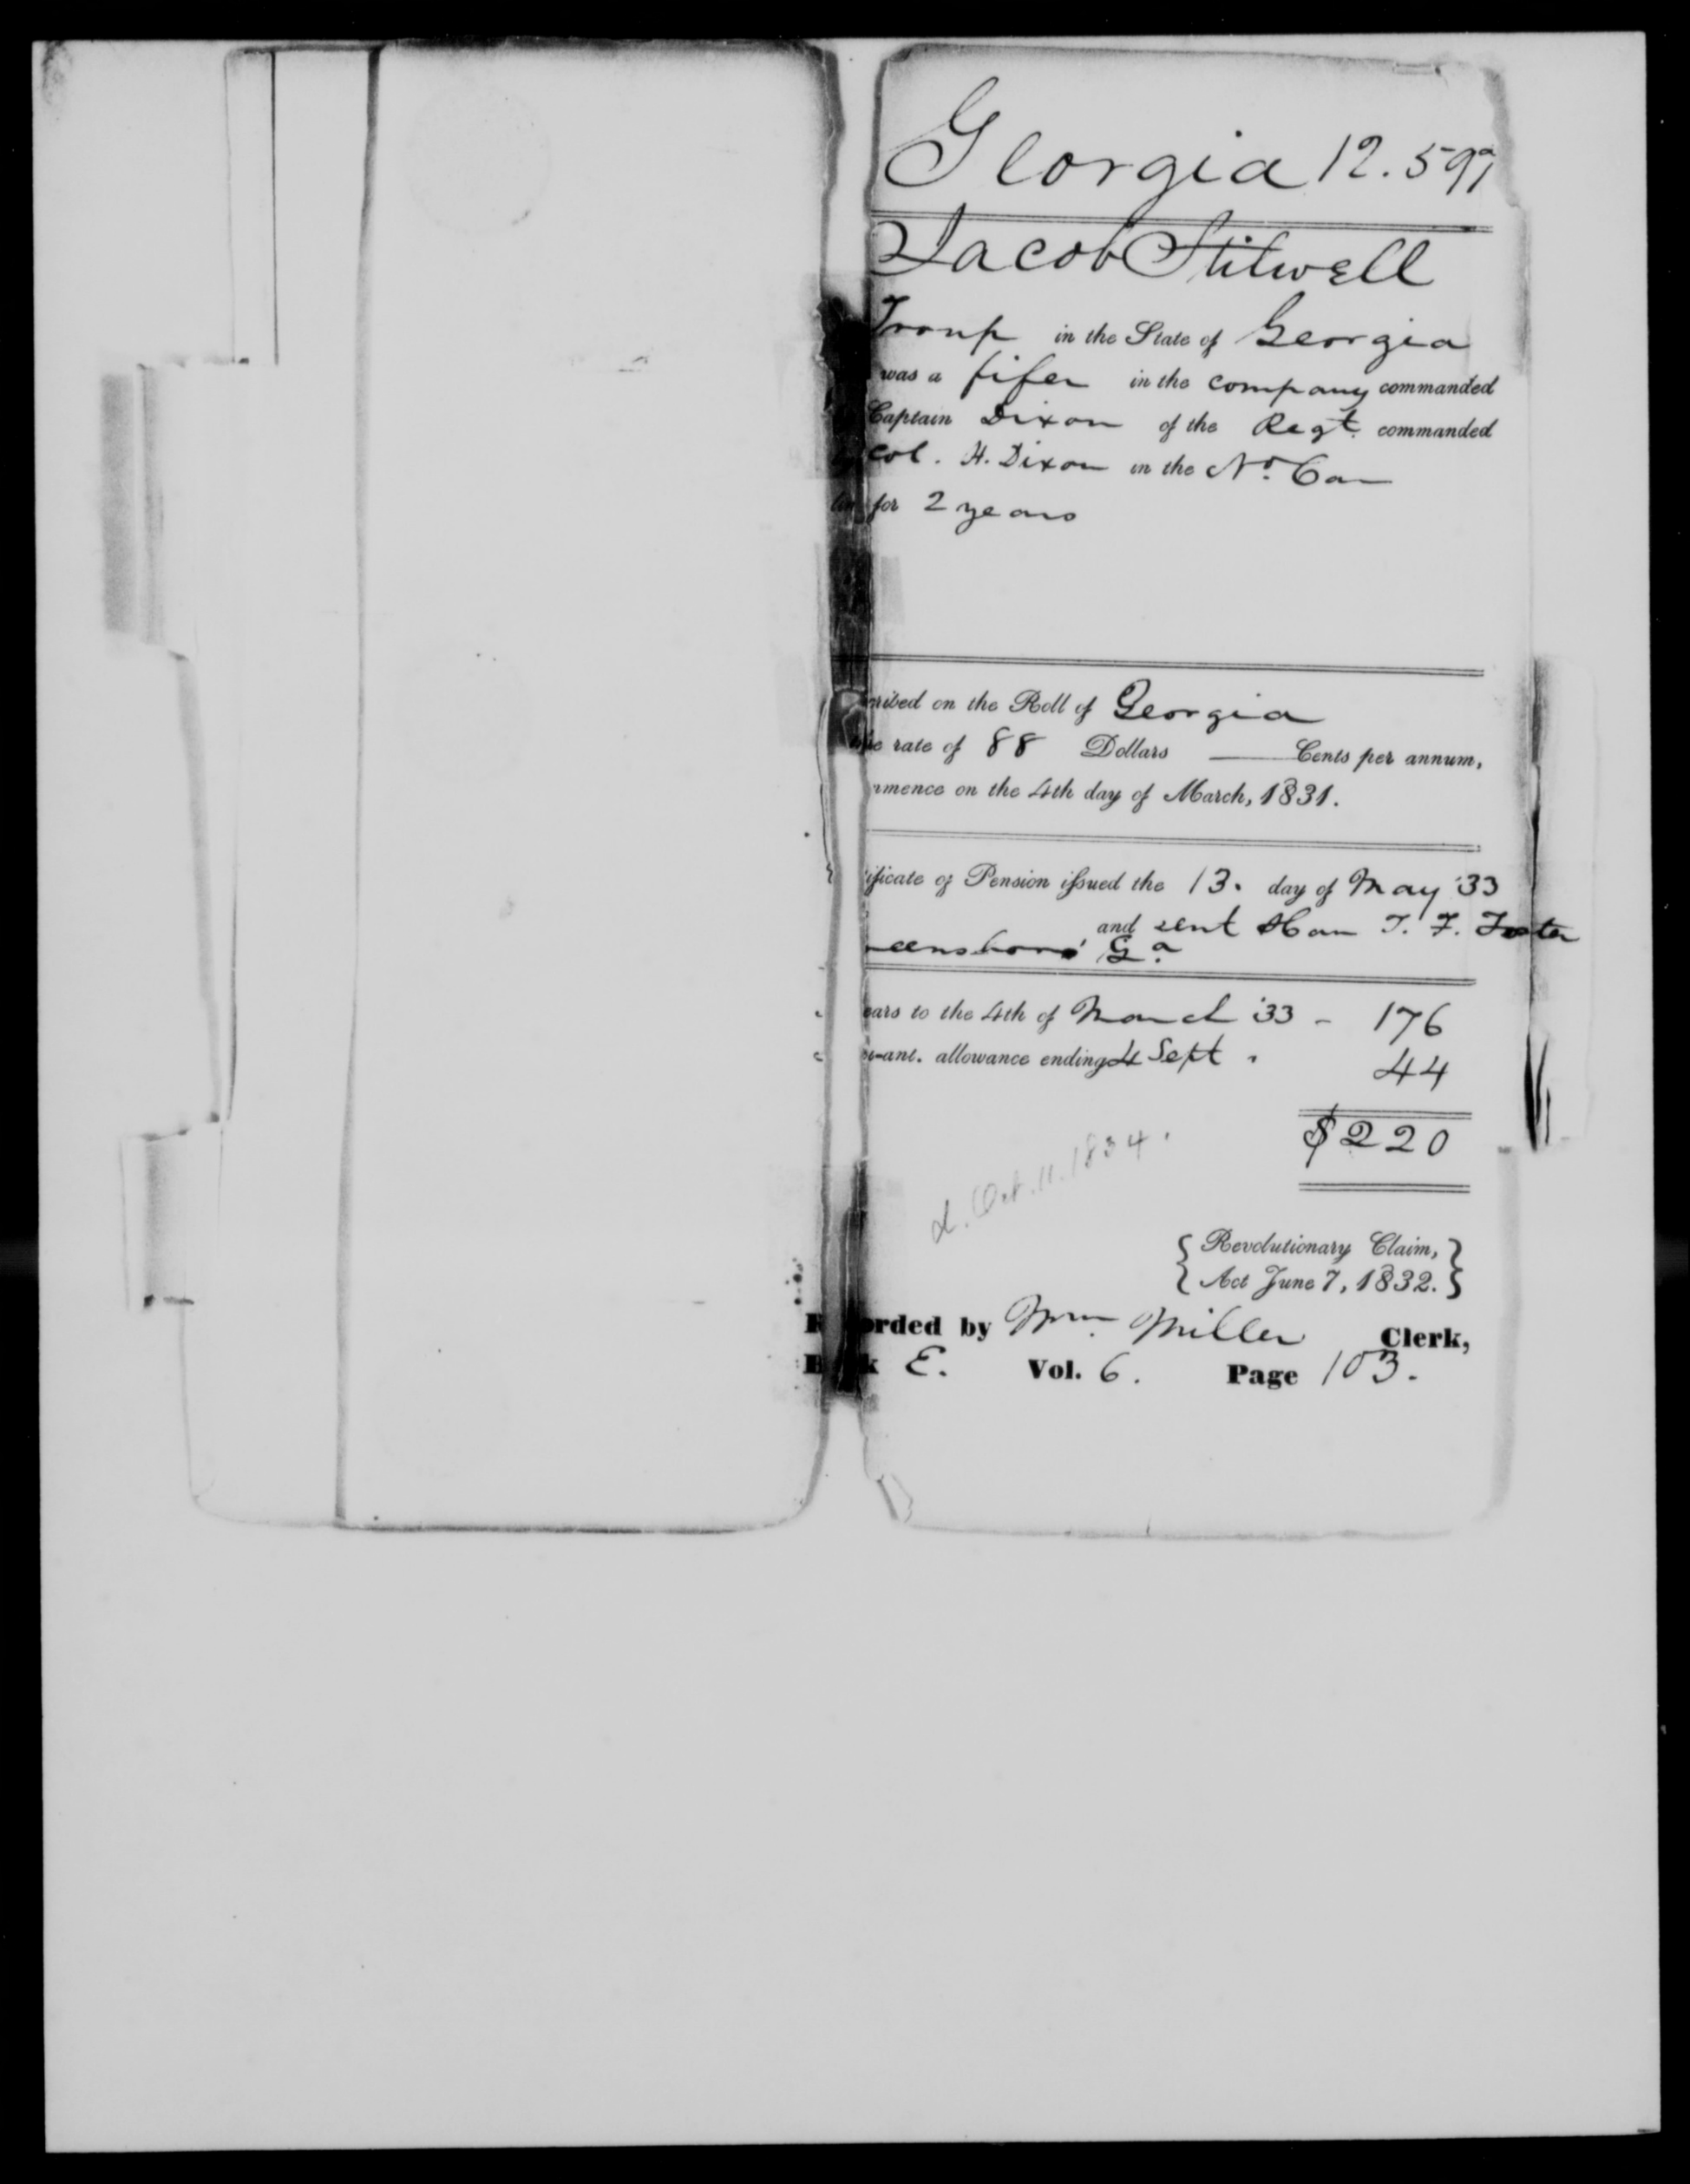Georgia 12.597
Jacob Stillwell (illegible) in the State of Georgia was a fifer in the company commanded Captain Dixon of the Regt. commanded Col. H. Dixon in the No. Car for 2 years

Issued on the Roll of Georgia (illegible) rate of 88 Dollars - Cents per annum, to commence on the 4th day of March 1831.

Certificate of Pension issued the 13 day of May 33 and sent Hon. T. F. (illegible) Ga.

arrears to the 4th of March 33
Semi-ani allowance ending 4 Sept 
176
44
$220
Revolutionary Claim,
Act June 7, 1832
Recorded by William Miller Clerk Book E. Vol. 6 Page 103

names: Wm Miller; Jacob Stilwell; [BLANK] Dixon; H Dixon; T F Foster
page: 2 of 25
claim: survivor's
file: S. 31,993, for Jacob Stillwell, North Carolina